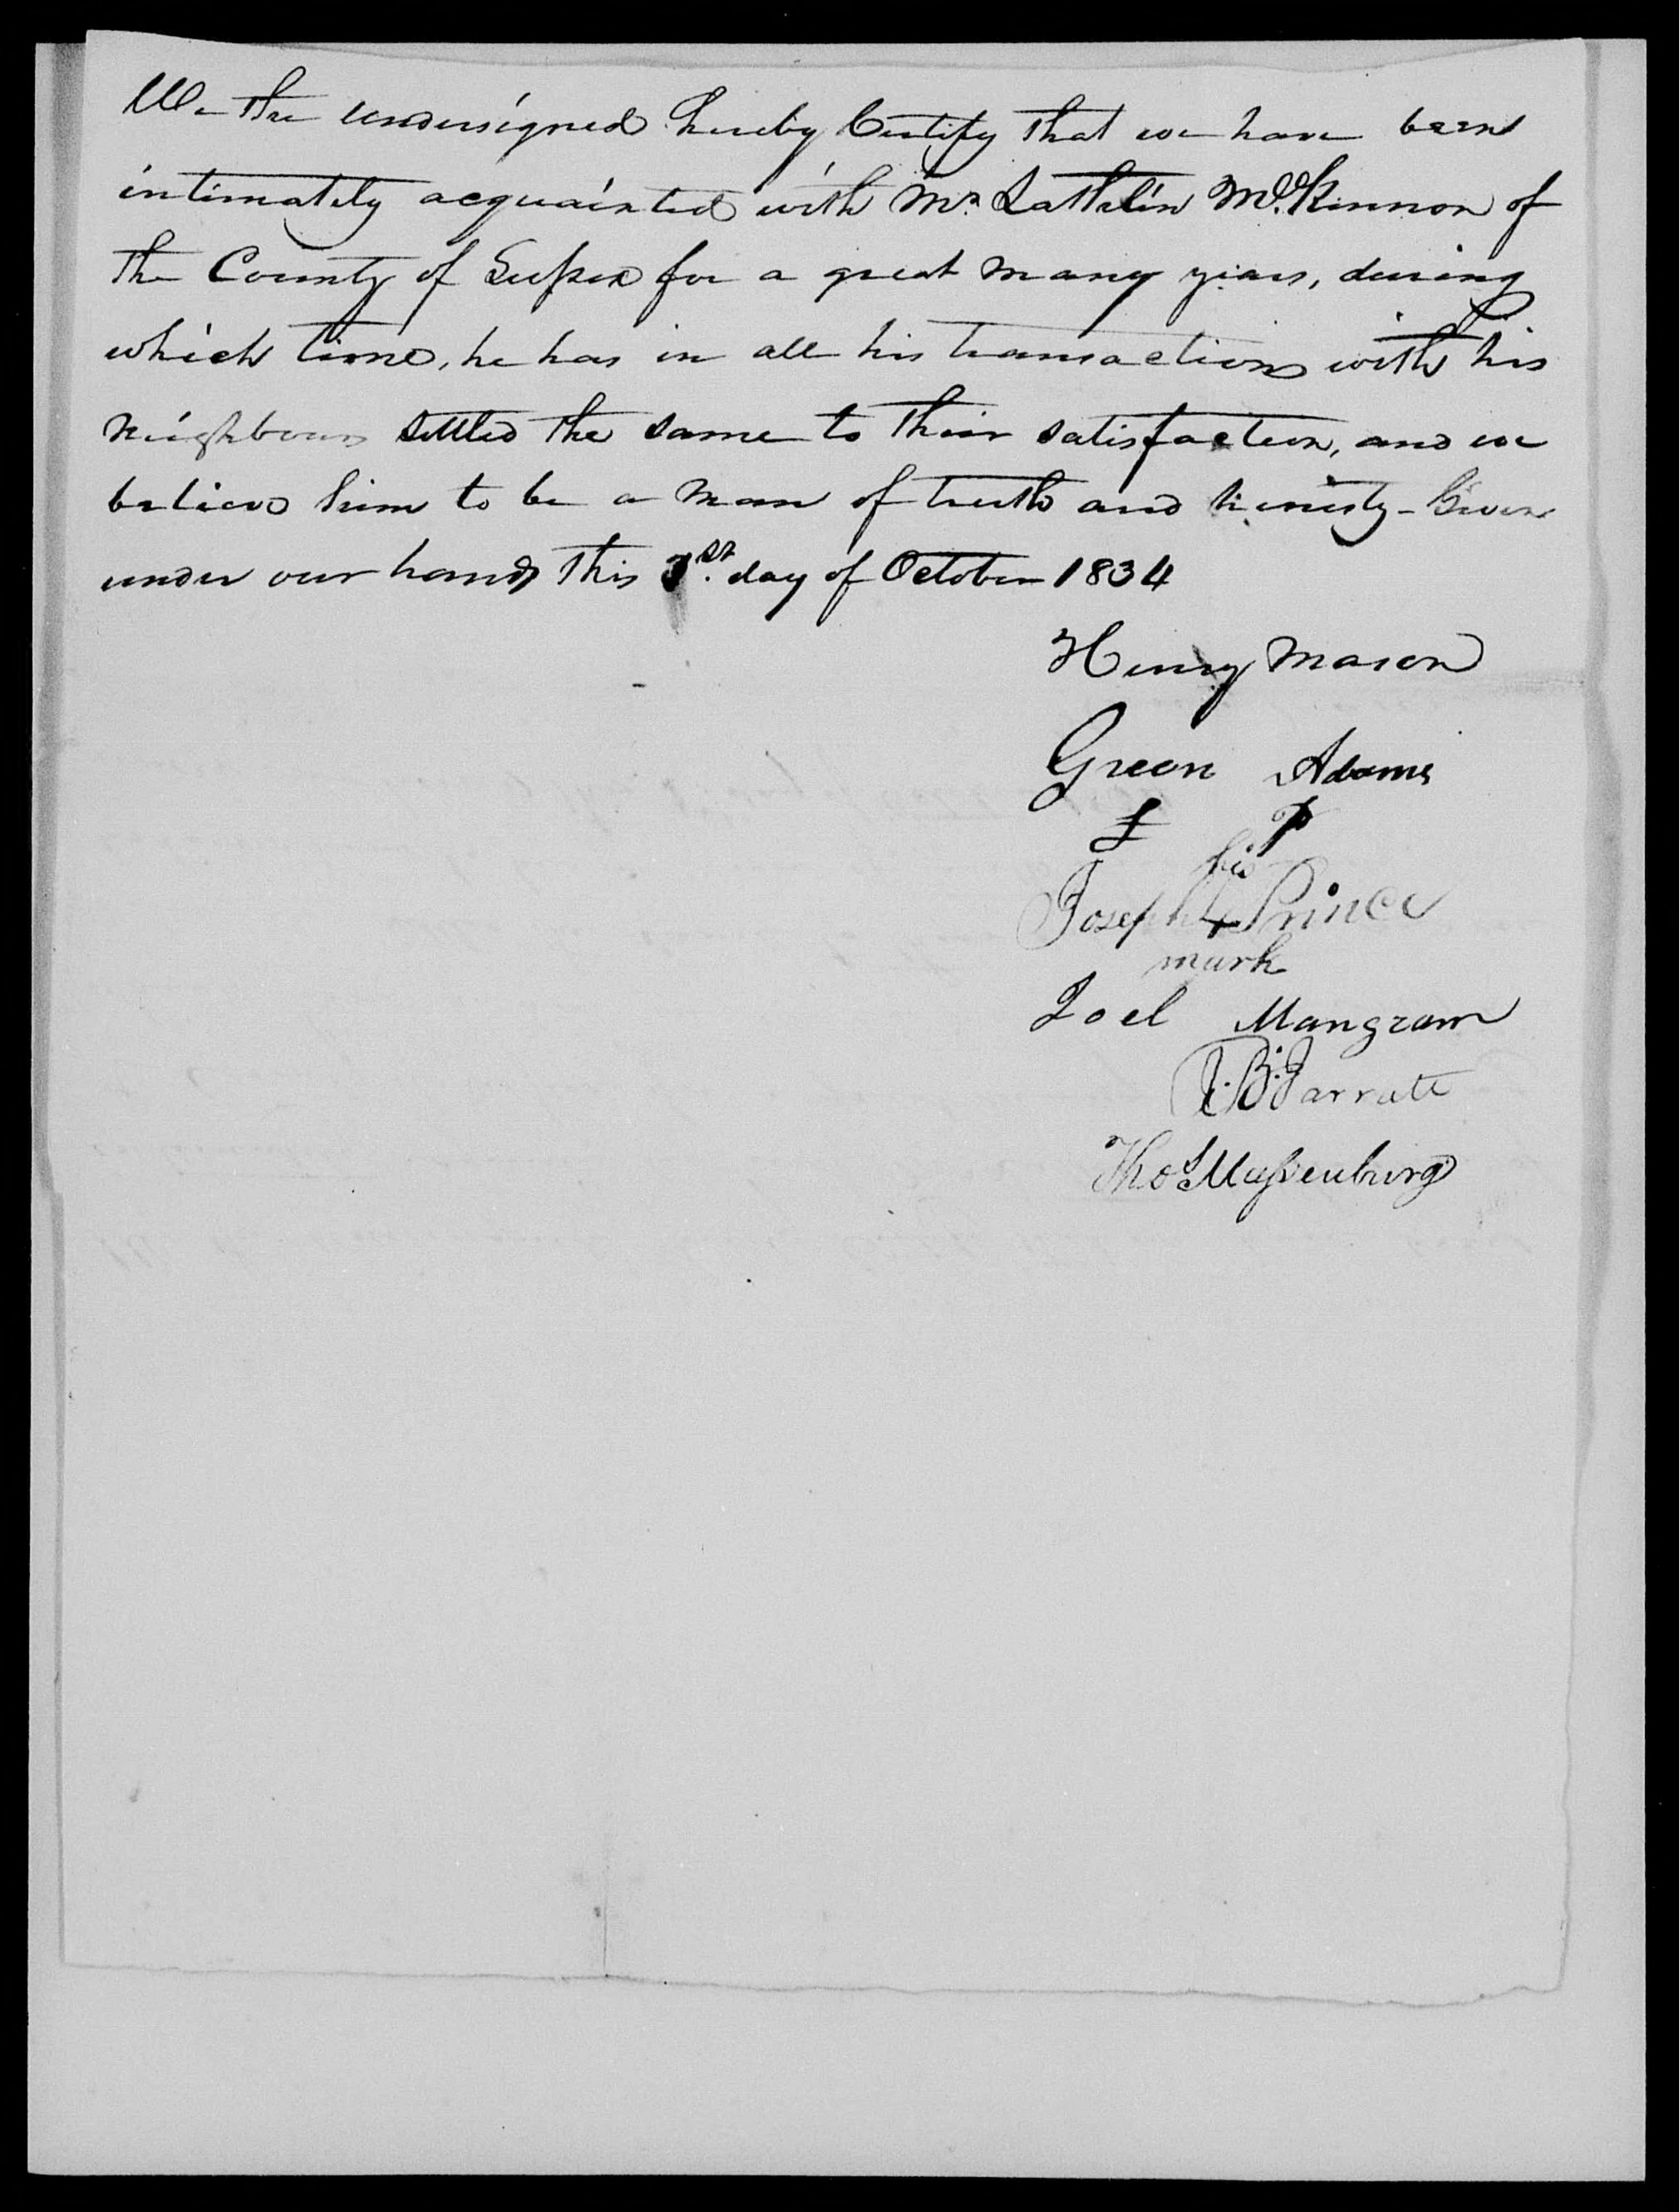We the undersigned hereby certify that we have been intimately acquainted with Mr. Lathlin McKinnon of the County of Supen for a great many years, during which time, he has in all his transactions with his neighbors settled the same to their satisfaction, and we believed him to be a man of truth and honesty - Given under our hands this 1st [a "3" appears to have been crossed out] day  of October 1834[.]
Henry Mason
Green Adams
L P
Joseph Prince
Joel Man[indiscernible]
L.B.Jarratt
Thomas [indiscernible]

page: 12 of 13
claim: rejected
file: R. 6753, for Lathlin Mc Kinnon, Pennsylvania